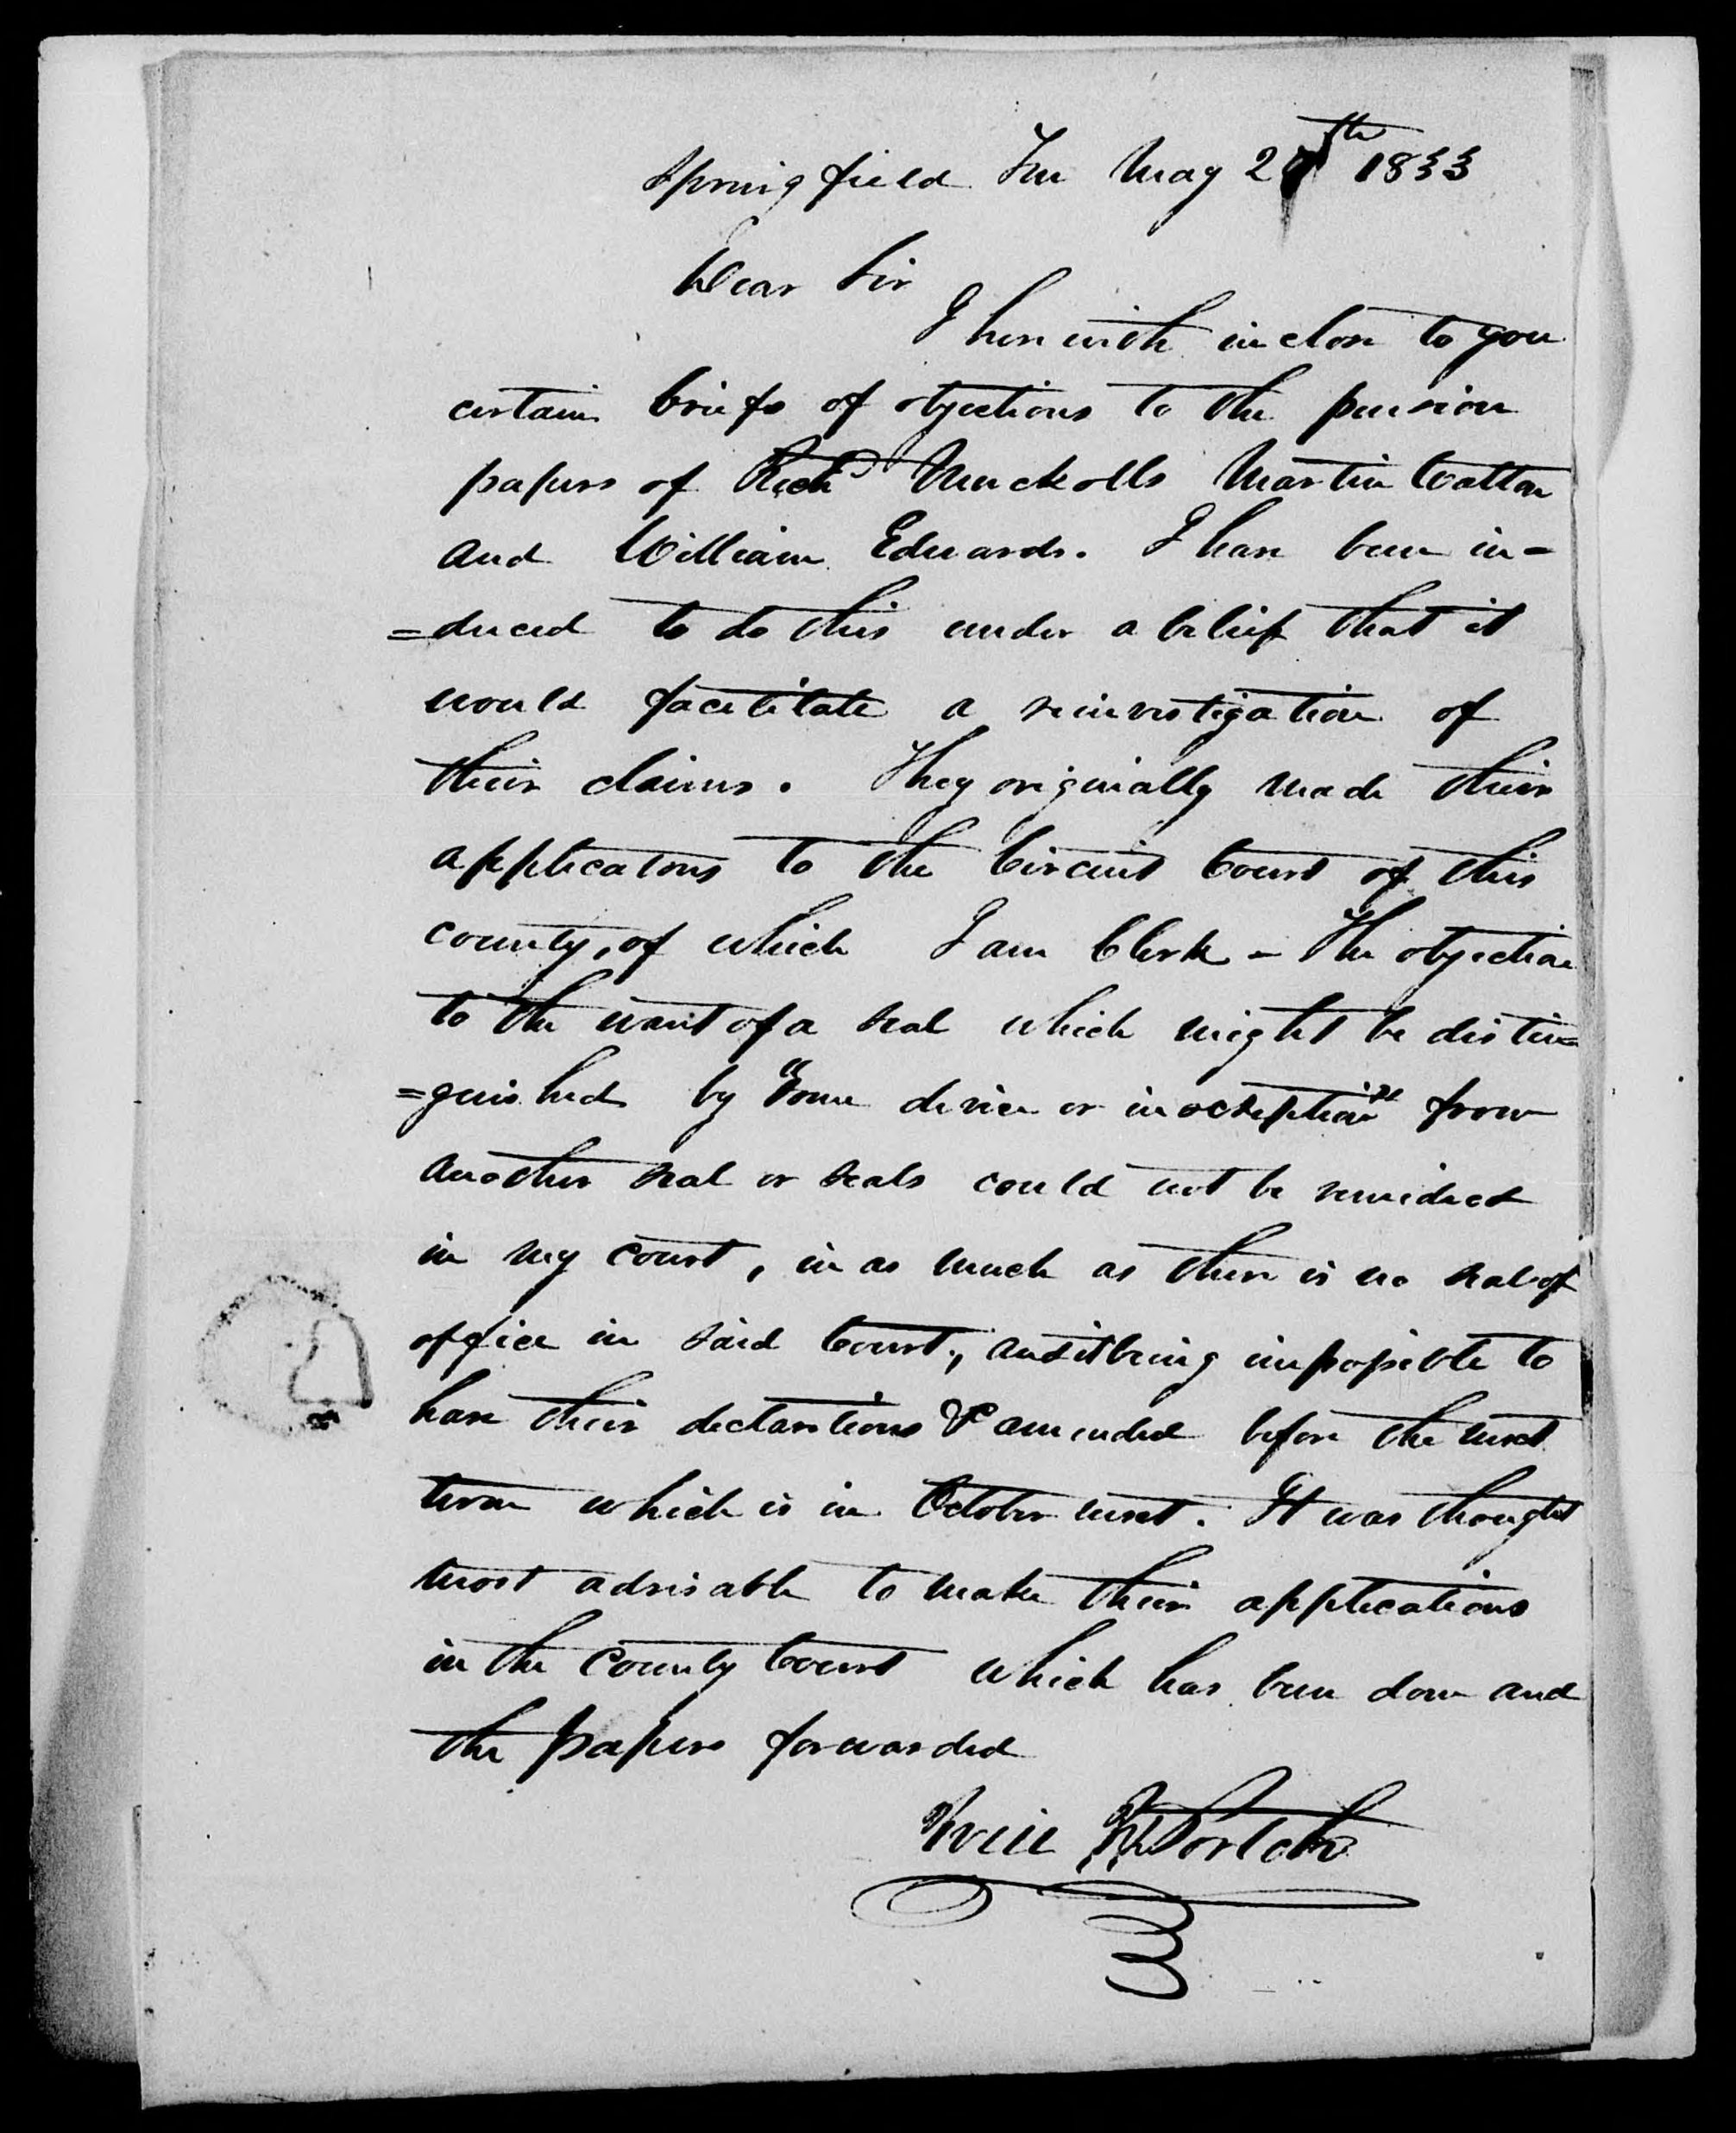Springfield Ten May 29th 1833
Dear Sir
I herewith inclose to you certain briefs of objections to the pension papers of Richd Nuckolls Martin Walton and William Edwards. I have been induced to do this under a belief that it would facilitate a reinvestigation of their claims. They originally made their applications to the Circuit Court of this county, of which I am Clerk - The objections to the want of a seal which might be distinguished by some diver or inoctiptior from another seal or seals could not be provided in my Court, in as much as there is no seal of office in said Court, and it being impossible to have their declarations &c amended before the next term which is in October next. It was thought most advisable to make their applications in the County Court which has been done and the papers forwarded
Will W Dortch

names: William Edwards, Wm, Richd Muckolls, Martin Walton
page: 24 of 47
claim: survivor's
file: S. 3,322, William Edwards, Va.